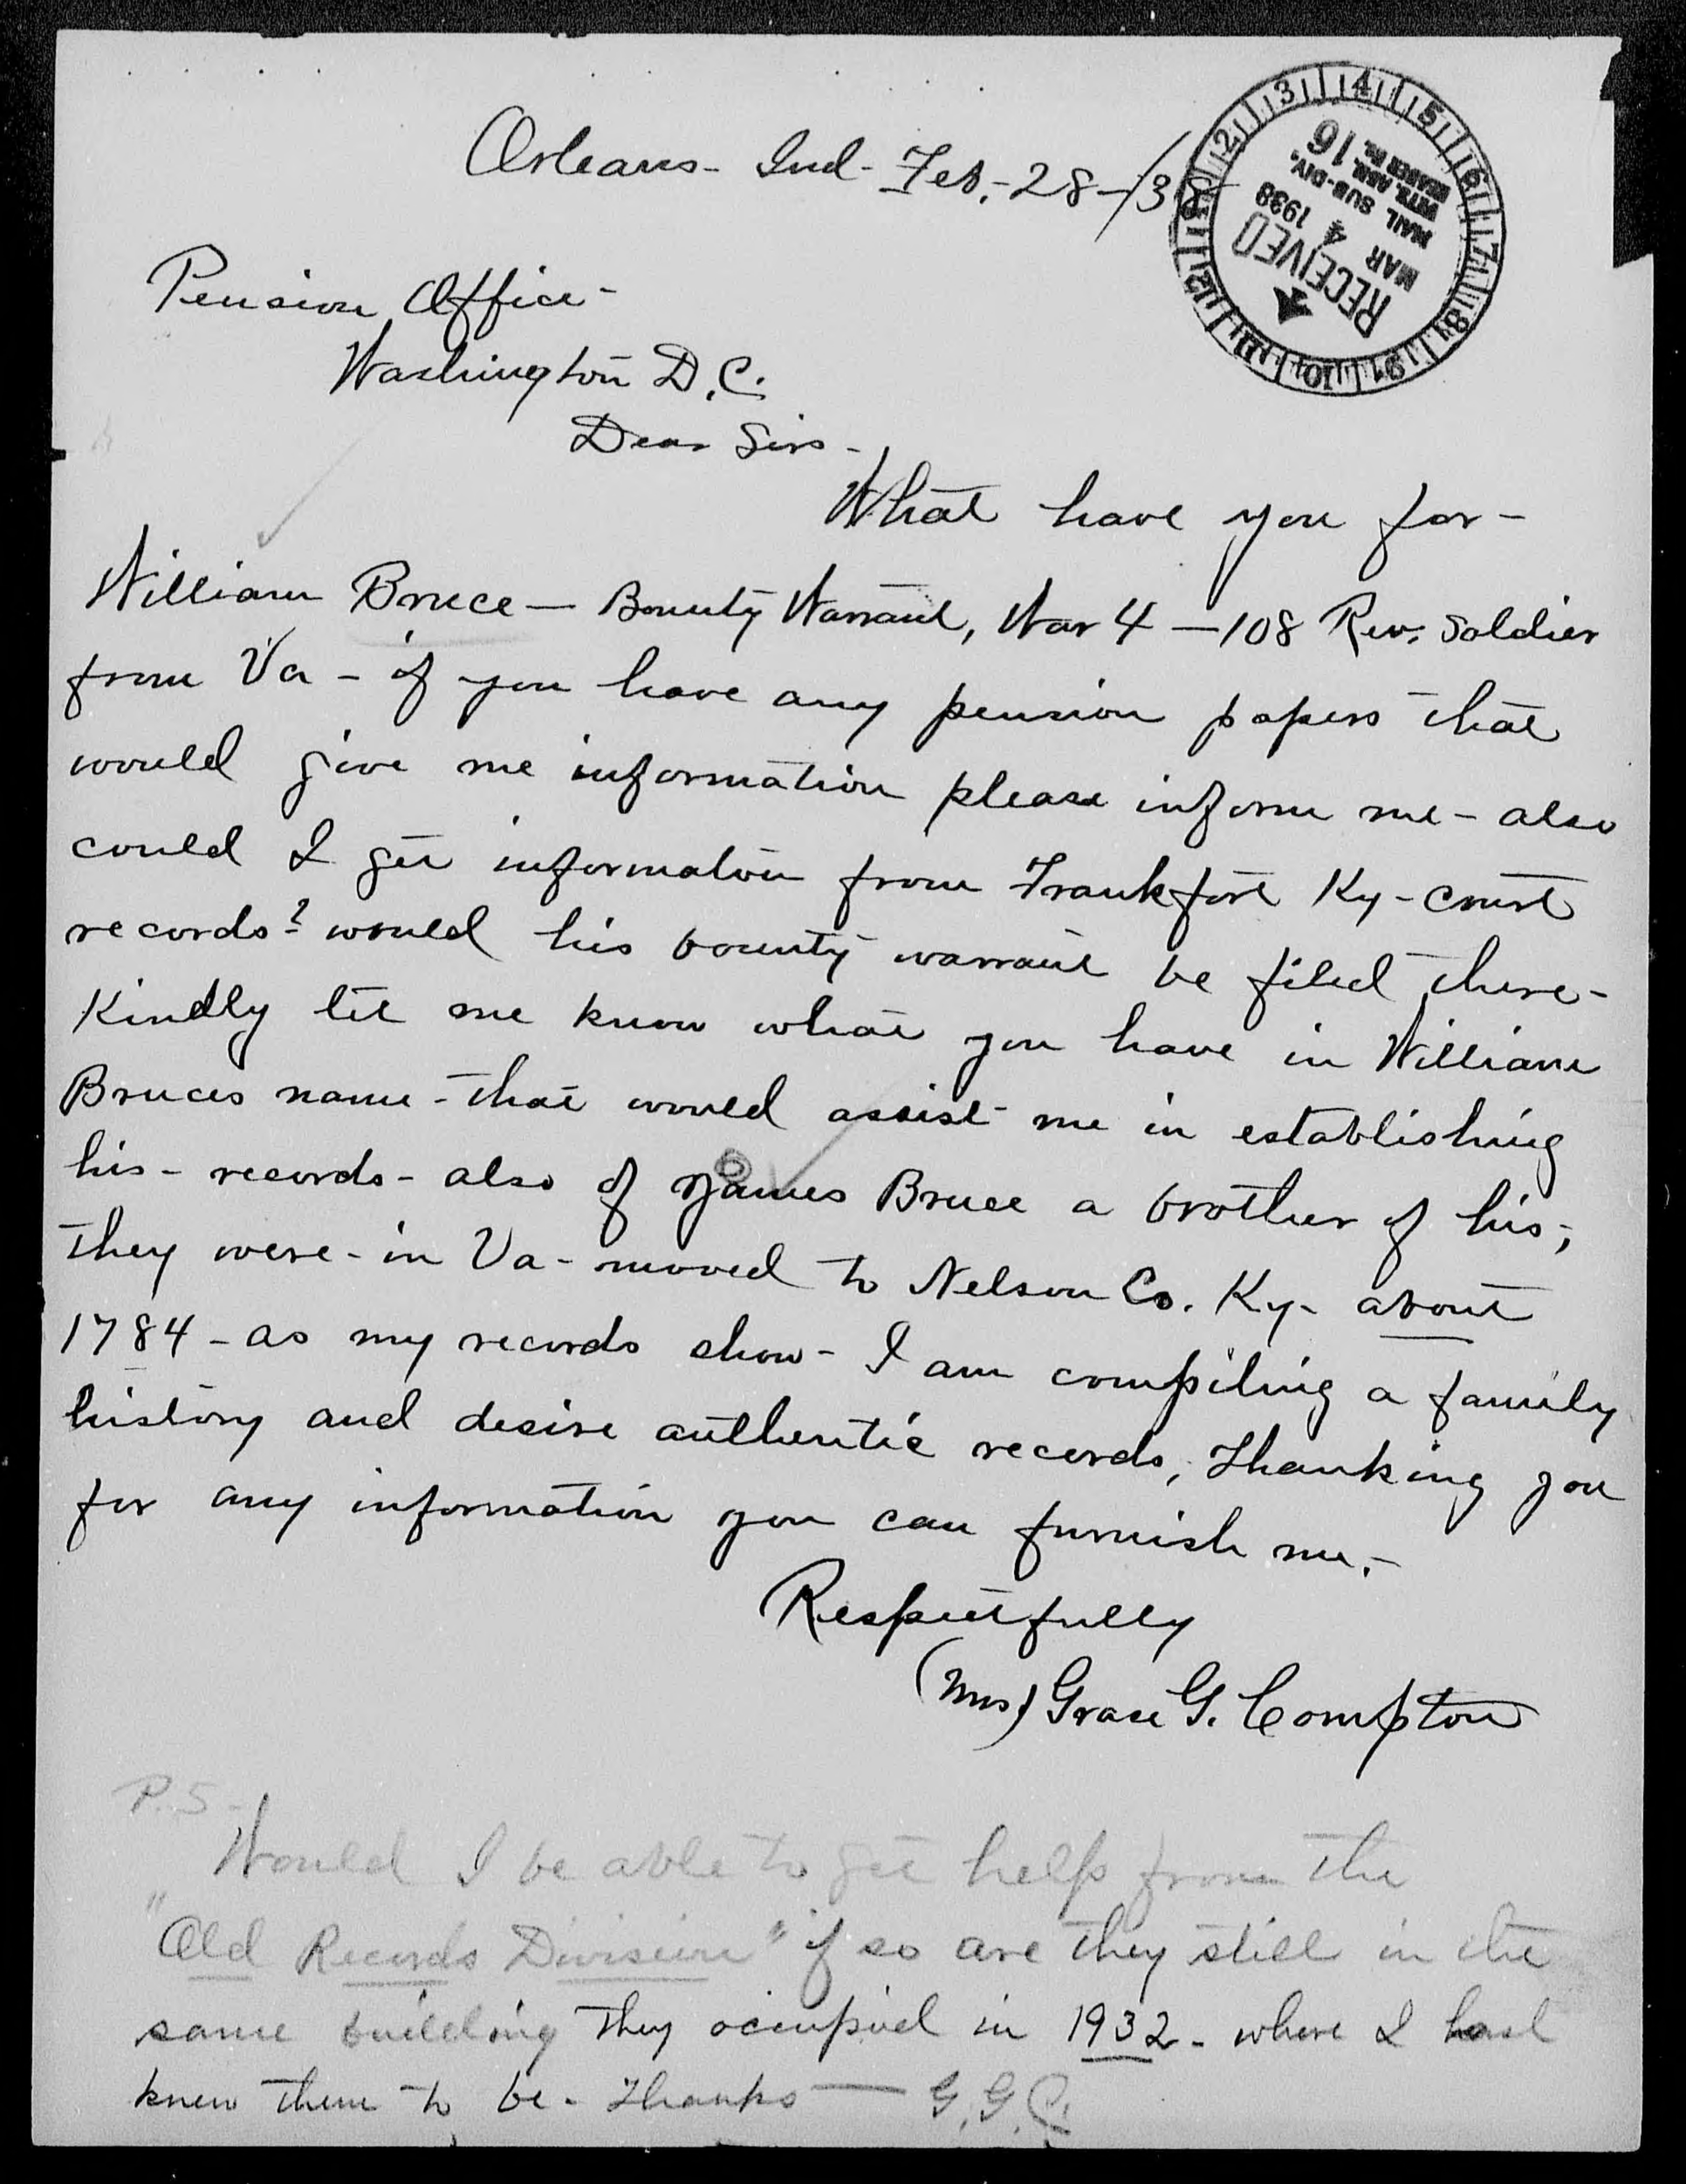[upside down circular stamp with Numbers 1 -12 around the outside] RECEIVED MAR 4 1938 MAIL SUB-DIV, VETS. ADM. READER #16

Orleans – Ind - Feb. 28-/38

Pension Office- 
Washington D.C. 

Dear Sirs –
What have you for William Bruce - Bounty Warrant, War 4 - 108 Rev. soldier of from Va. If you have any pension papers that would give me information please inform me—also could I get information from Frankfort Ky-court records? would his bounty warrant be filed there - kindly let me know what you have in William Bruces name, that would assist me in establishing his records - also of James Bruce a brother of his; they were - in Va.- moved to Nelson Co. Ky. about 1784 - as my records show - I am compiling a family history and desire authentic records, Thanking you for any information you can furnish me.- 

Respectfully
(Mrs.) Grace G. Compton 

P. S.
Would I be able to get help from the “Old Records Division” if so are they still in the same building they occupied in 1932, where I had knew them to be. Thanks -- G.G.C.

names: Grace G Compton, James Bruce, William Bruce, William Bruce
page: 39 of 54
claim: survivor's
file: S. 30287, William Bruce, N.C.